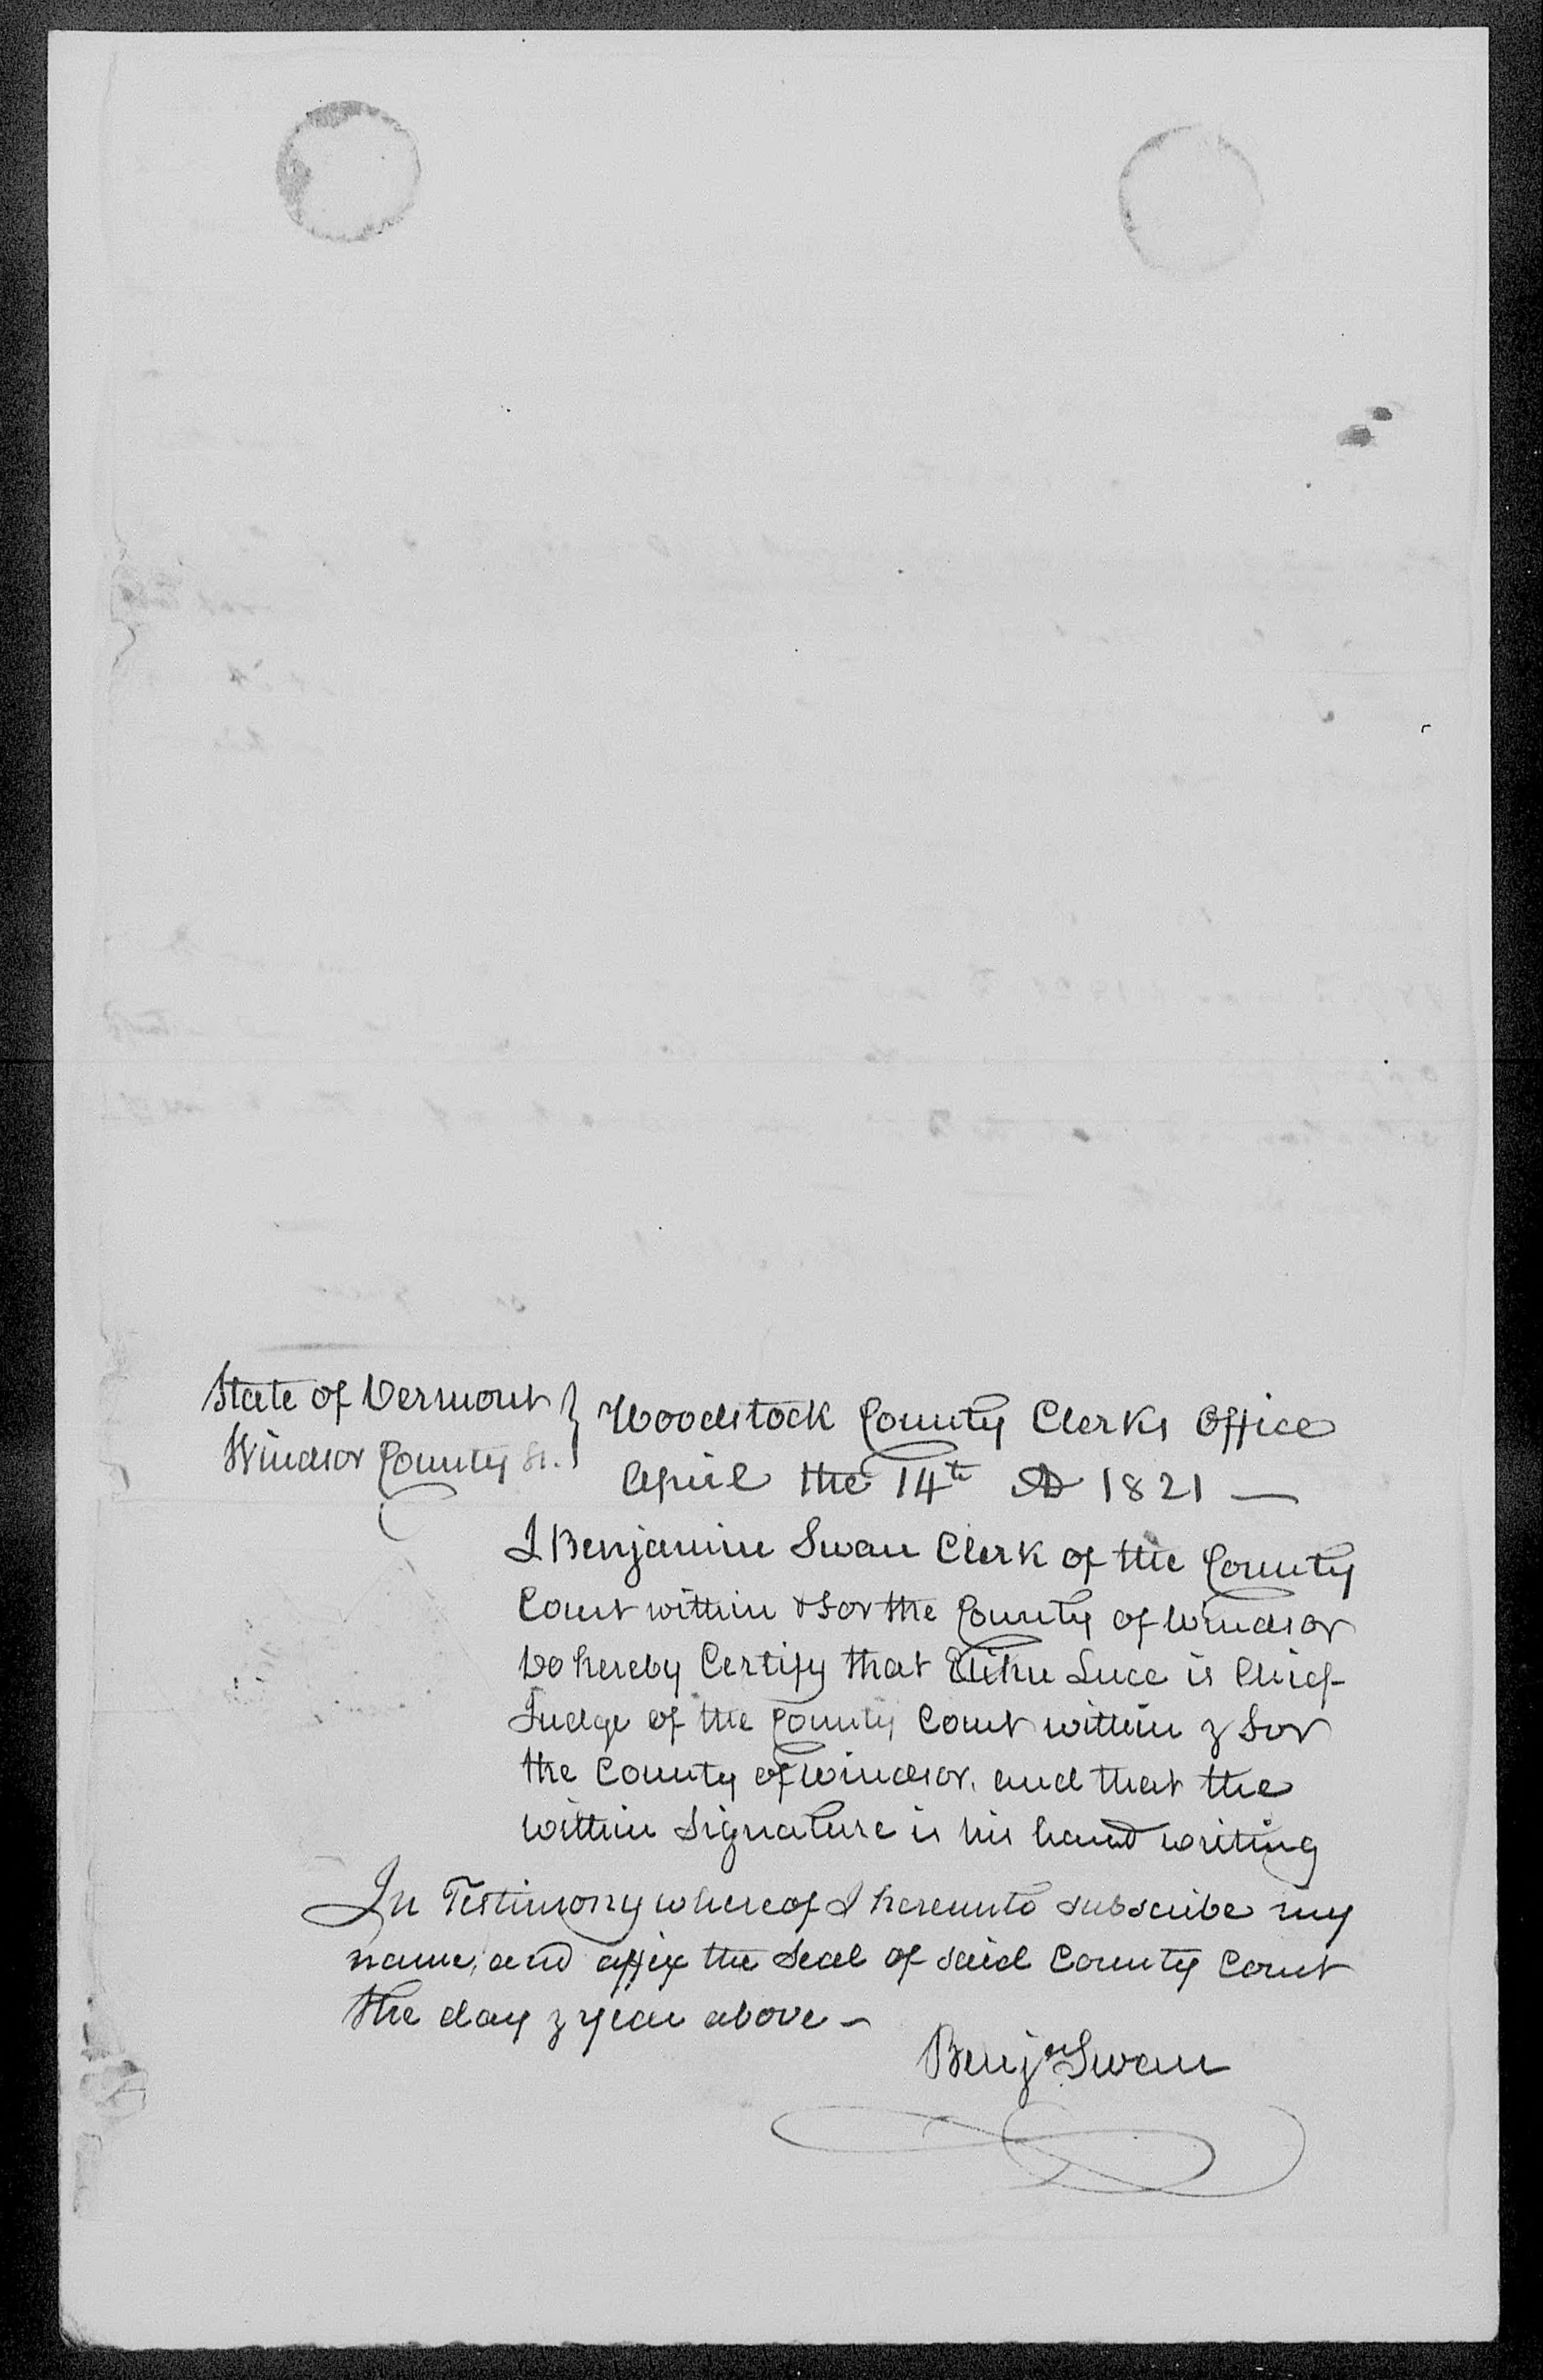State of Vermont 
Windsor County ss} Woodstock County Clerks Office April the 14th AD 1821
I Benjamin Swan Clerk of the County Court within and for the County of Windsor do hereby certify that Elihu Luce is Chief Judge of the County Court within and for the County of Windsor and that the written signature is his hand writing.
In testimony whereof I hereunto subscribe my name and affix the seal of said County Court the day and year above
Benj Swan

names: Benj Swan, Benjamin Swan, Elihu Luce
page: 32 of 83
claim: widow's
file: W. 10,384, Oliver Barrett, Continental (Vt.) N.Y.